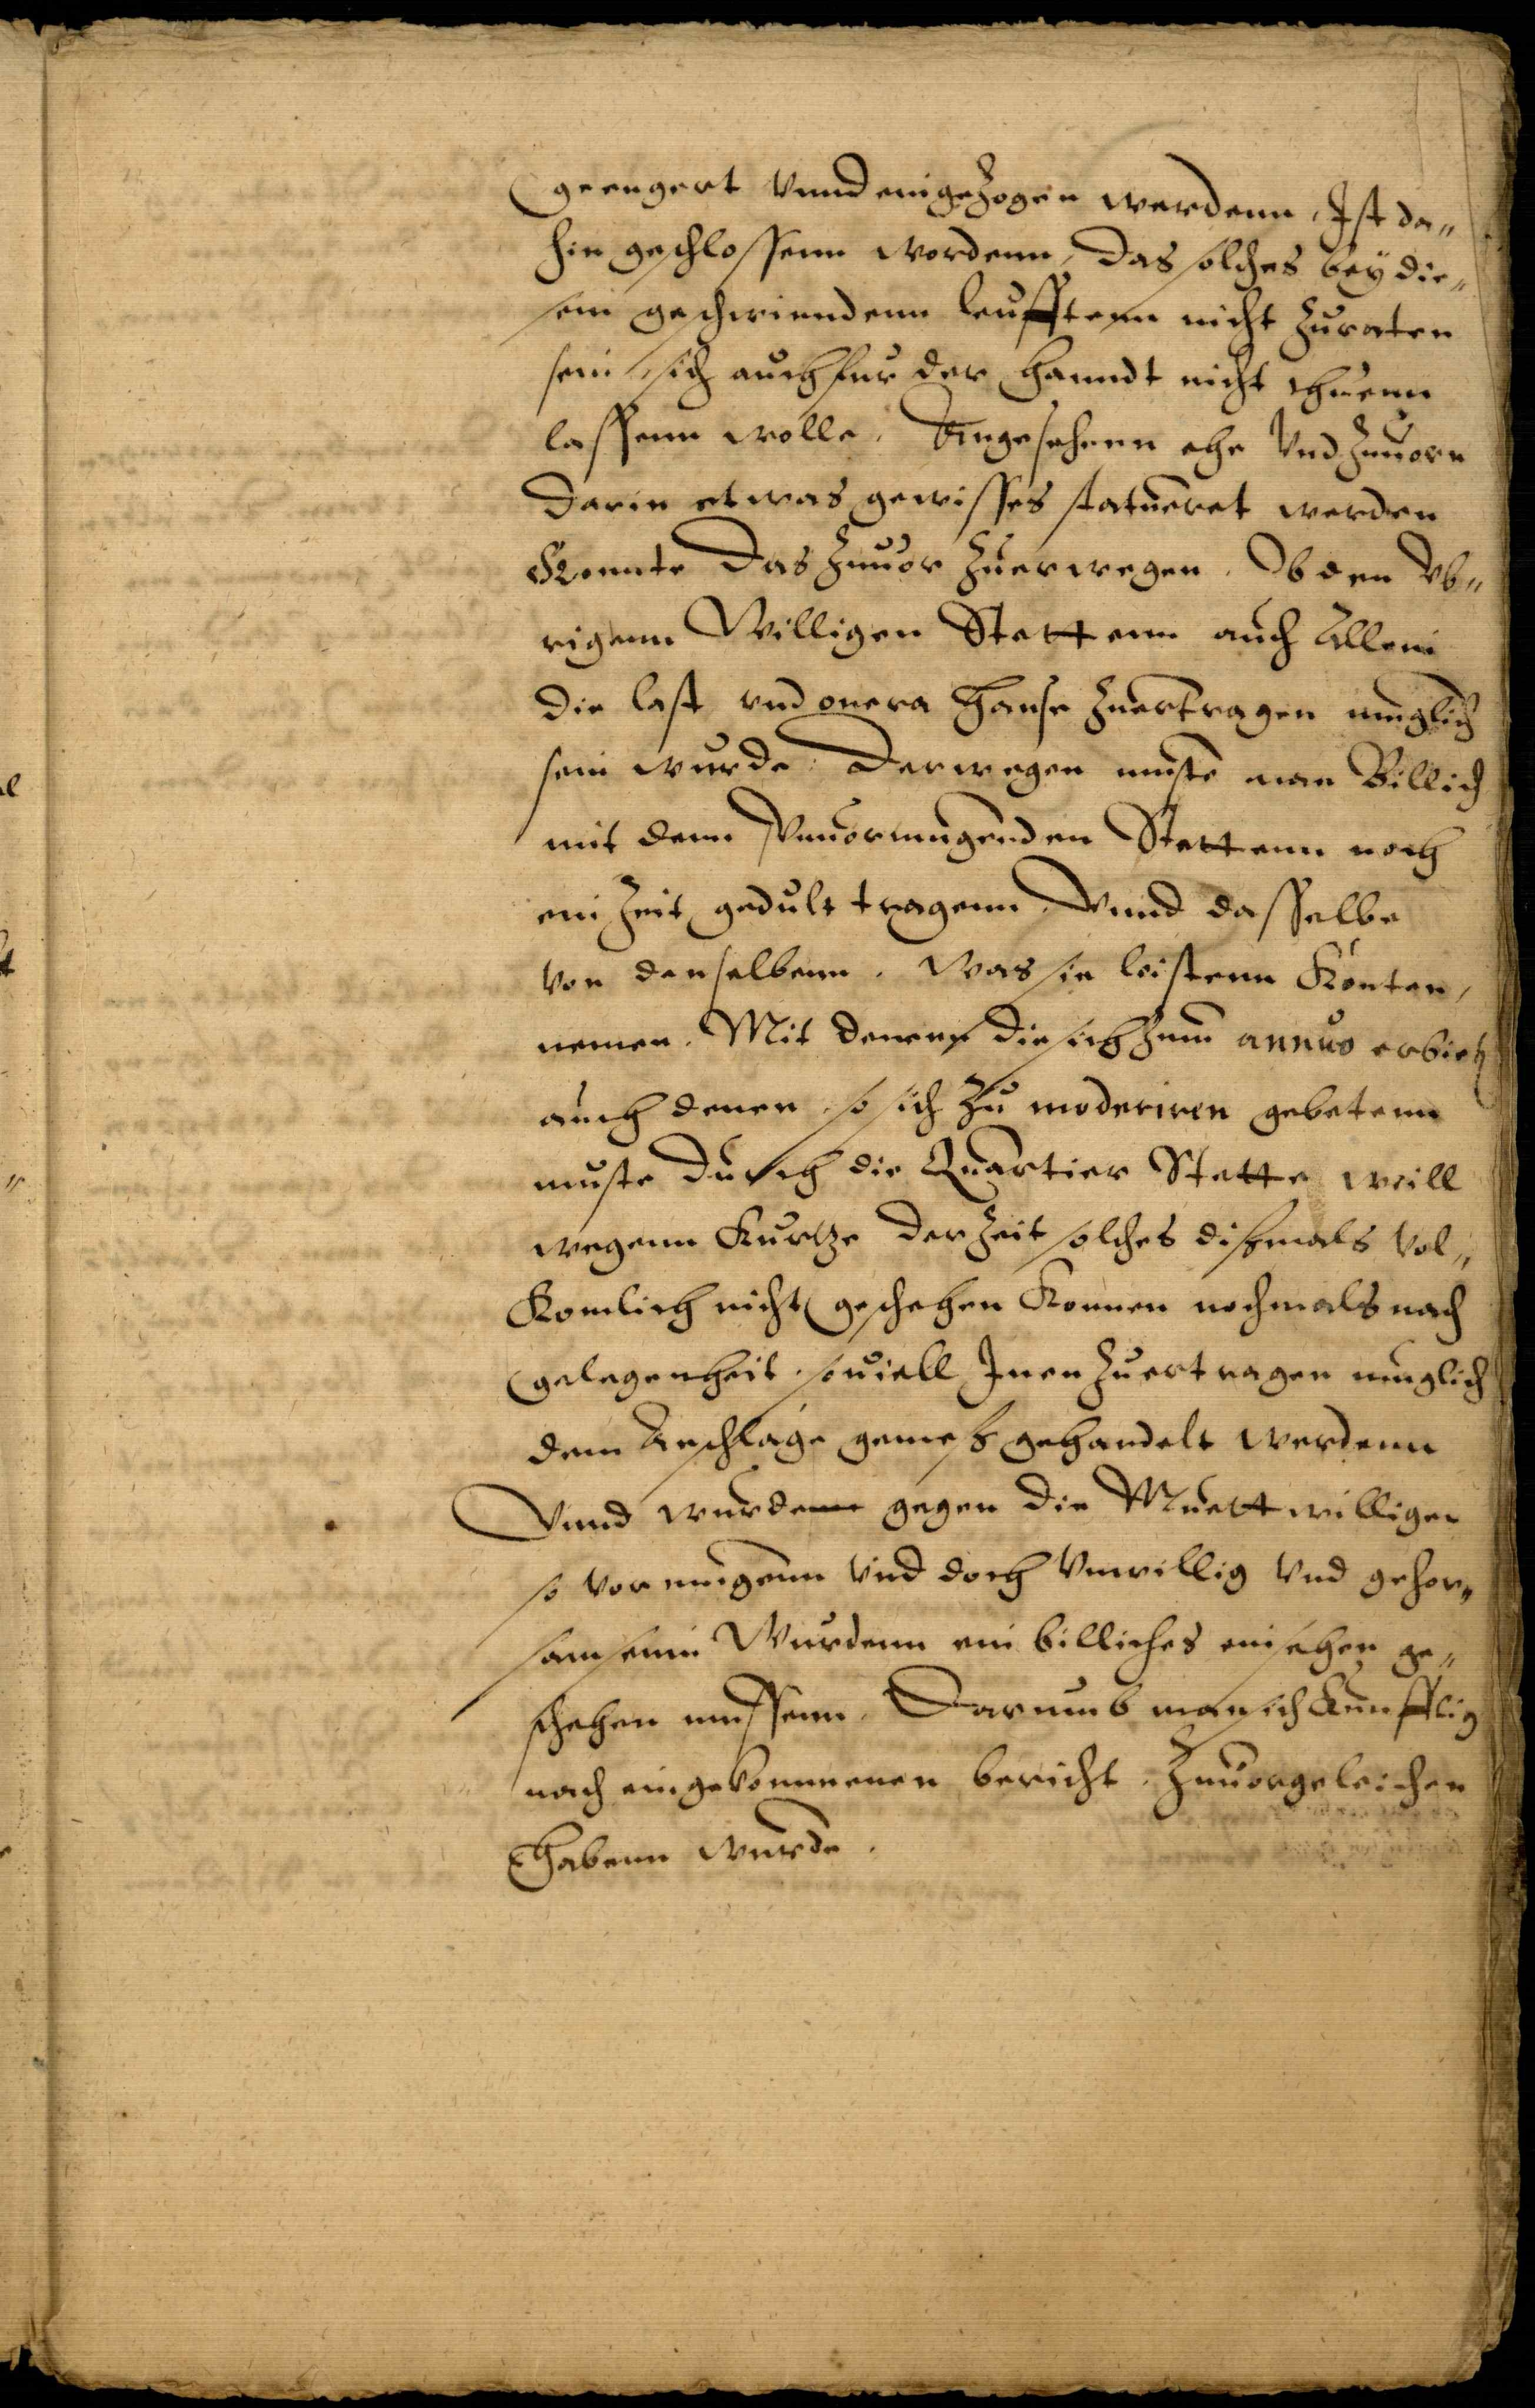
geengert Vnnd eingezogen werdenn, Ist da¬
hin geschlossen wordenn, Das solches beij die¬
sen geschwindenn leufftenn nicht zuraten
sein, sich auch fur der Hanndt nicht thuenn
lassenn wolle, Angesehenn ehe Vnd Zuvorn
darin etwas gewisses statueret werden
konnte Das zuvor zuerwegen. Ob den Vb¬
rigenn Willigen Stettenn auch Allein
die last vnd onera Hanse zuertragen muglich
sein werde: Derwegen muste man Billich
mit denn Vnuormugenden Stettenn noch
ein Zeit gedult tragenn. Vnnd dasselbe
von denselbenn, Was sie leisten konten,
nemen. Mit deren die sich zum annuo erbieten
auch denen, so sich zu moderieren gebetenn
muste Durch die Quartier Stette weill
wegen kurtze der zeit solches dißmals vol¬
komlich nicht geschehen konnen nochmals nach
gelegenheit. souiell Inen zuertragen muglich
dem Anschlage gemeß gehandelt werdenn
Vnnd wurdenn gegen die Muettwilligen
so vormugenn vnd doch vnnwillig vnd gehor¬
sam sein Wurdenn ein billiches einsehen ge¬
schehen mussenn, Darumb man sich kunftig
nach eingekommenen bericht, Zuuorgeleichen
Habenn wurde,
